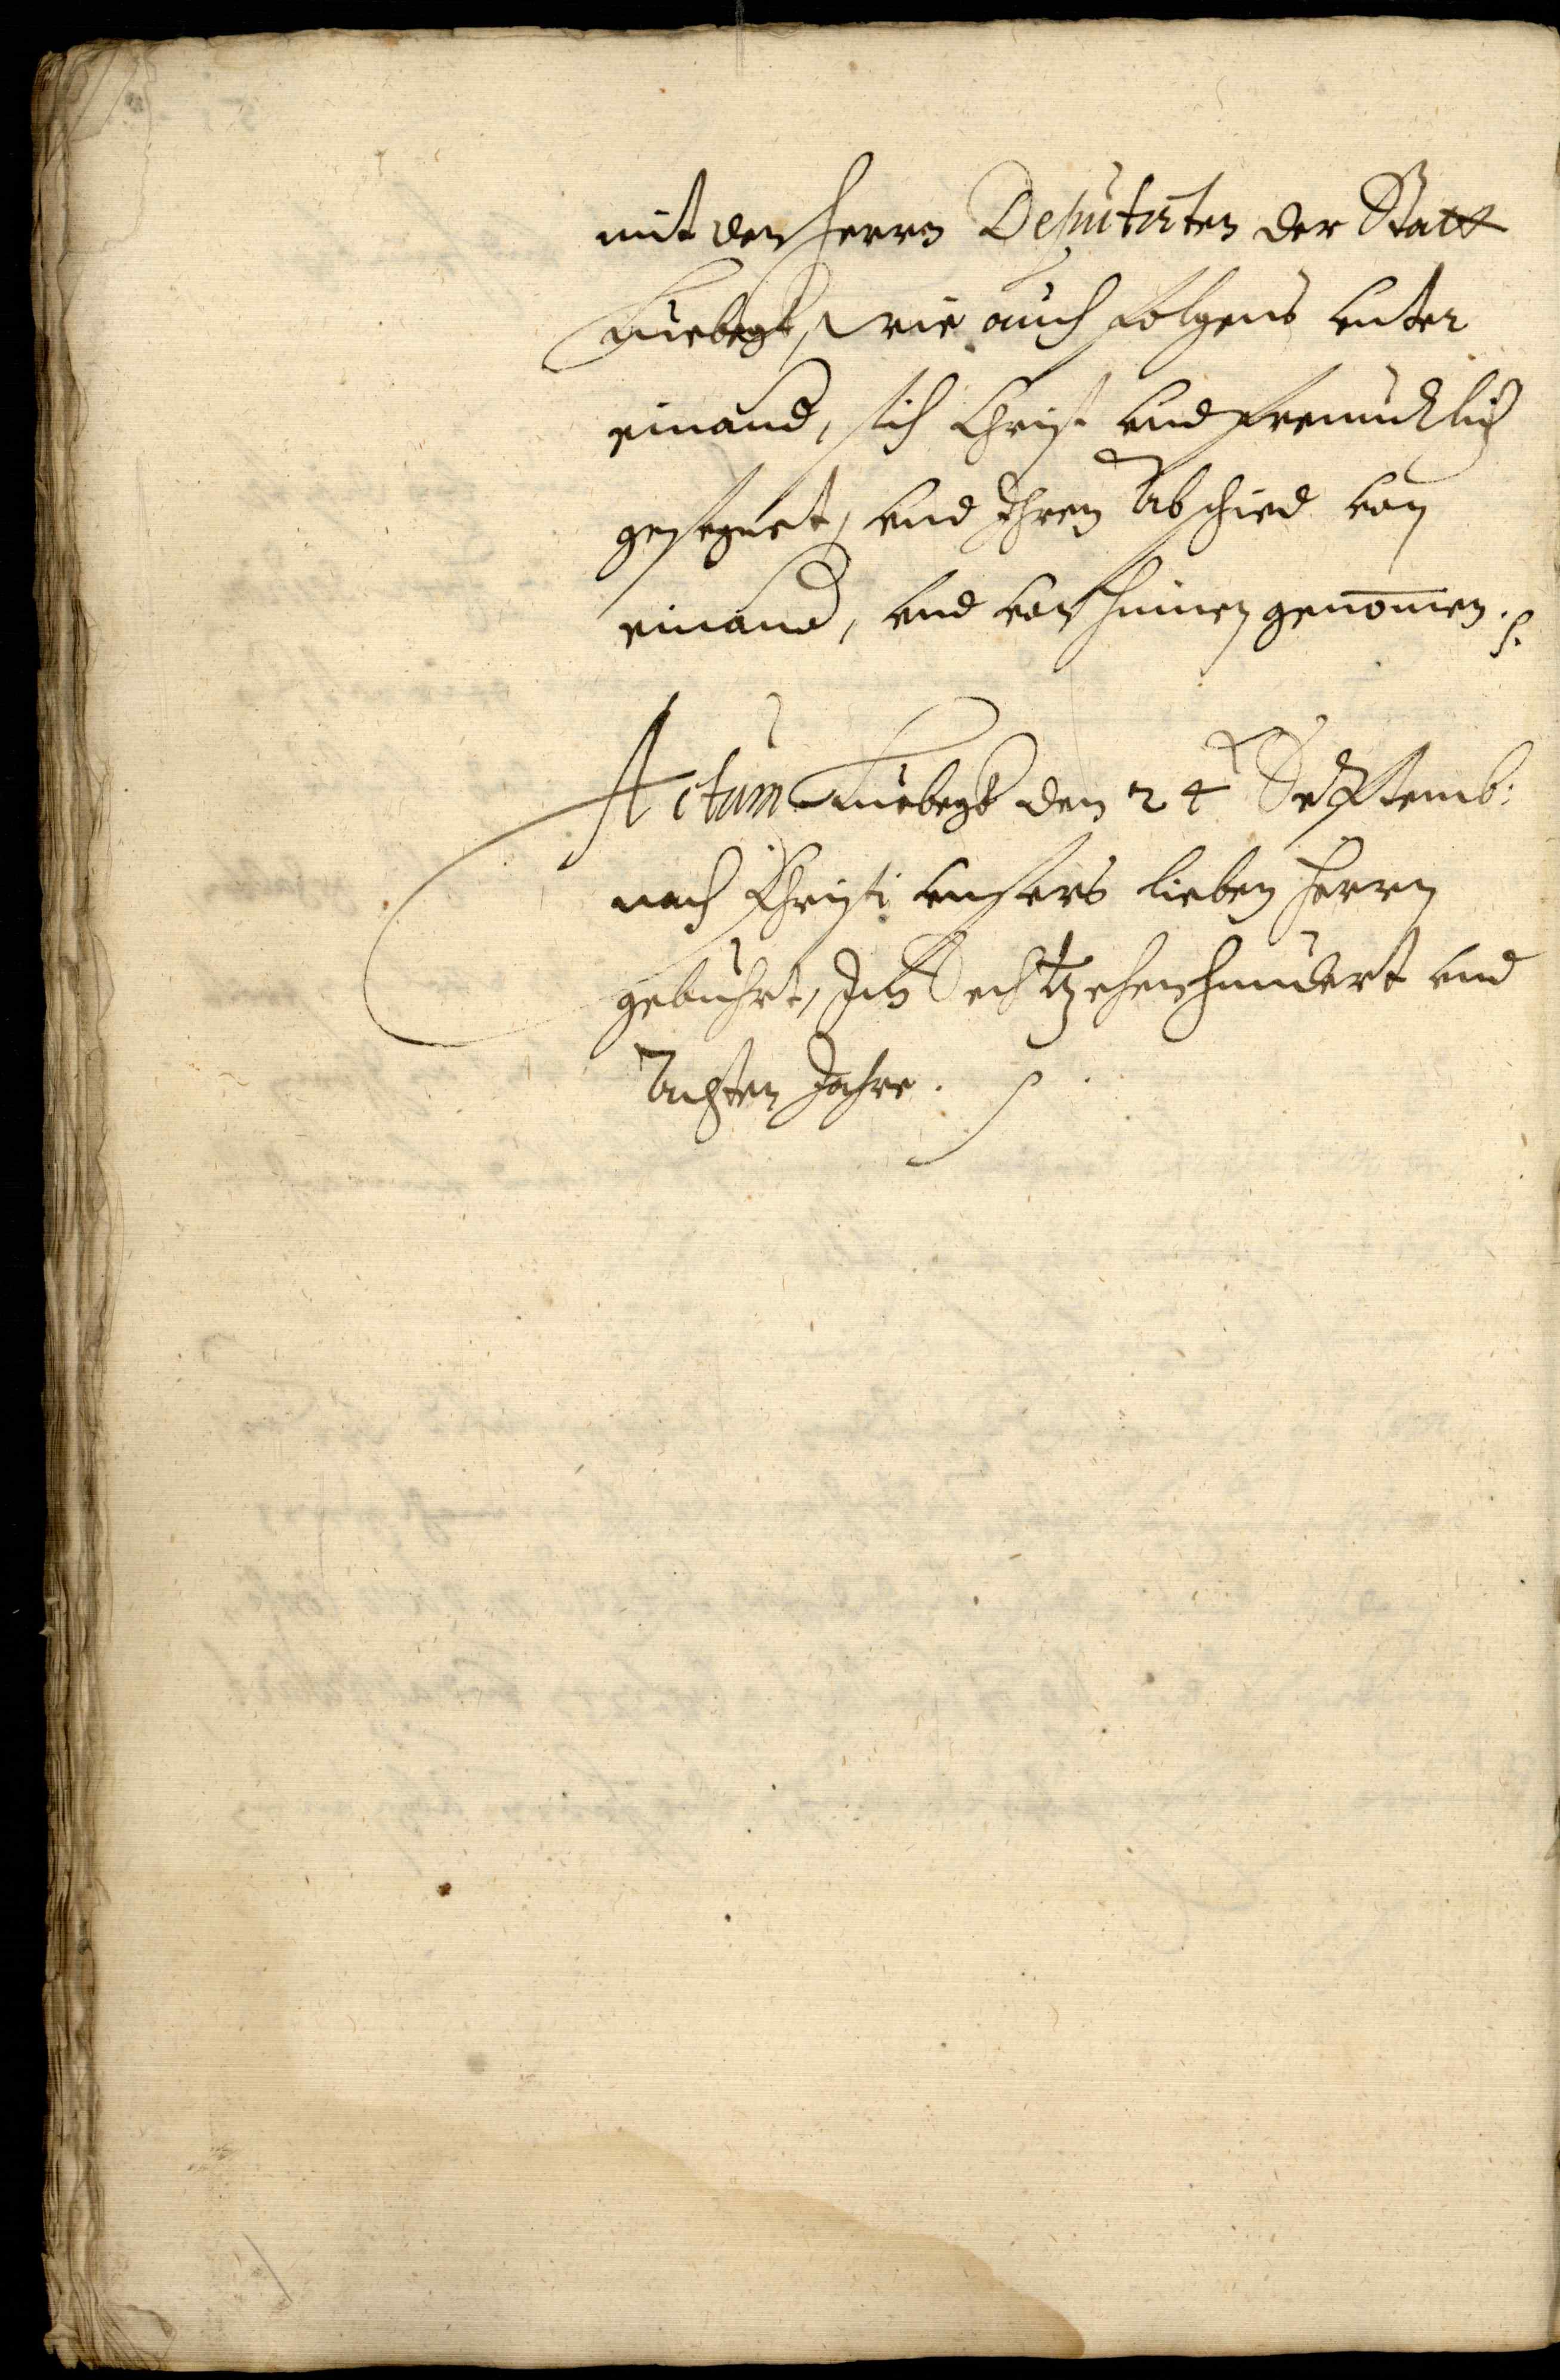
mitt den herrn Depurtirten der Statt
Luebegk, wie auch folgens vnter
einander, sich Christ vnd freundtlich
gesegnet, vnd Jhren Abschied von
einander, vnd hinnen genommen. p.
Actam Luebegk den 24 Se?temb.
nach Christi unsers lieben herrn
gebuhrt, Im Sechtzehenhundert vnd
Achten Jahre. p.
